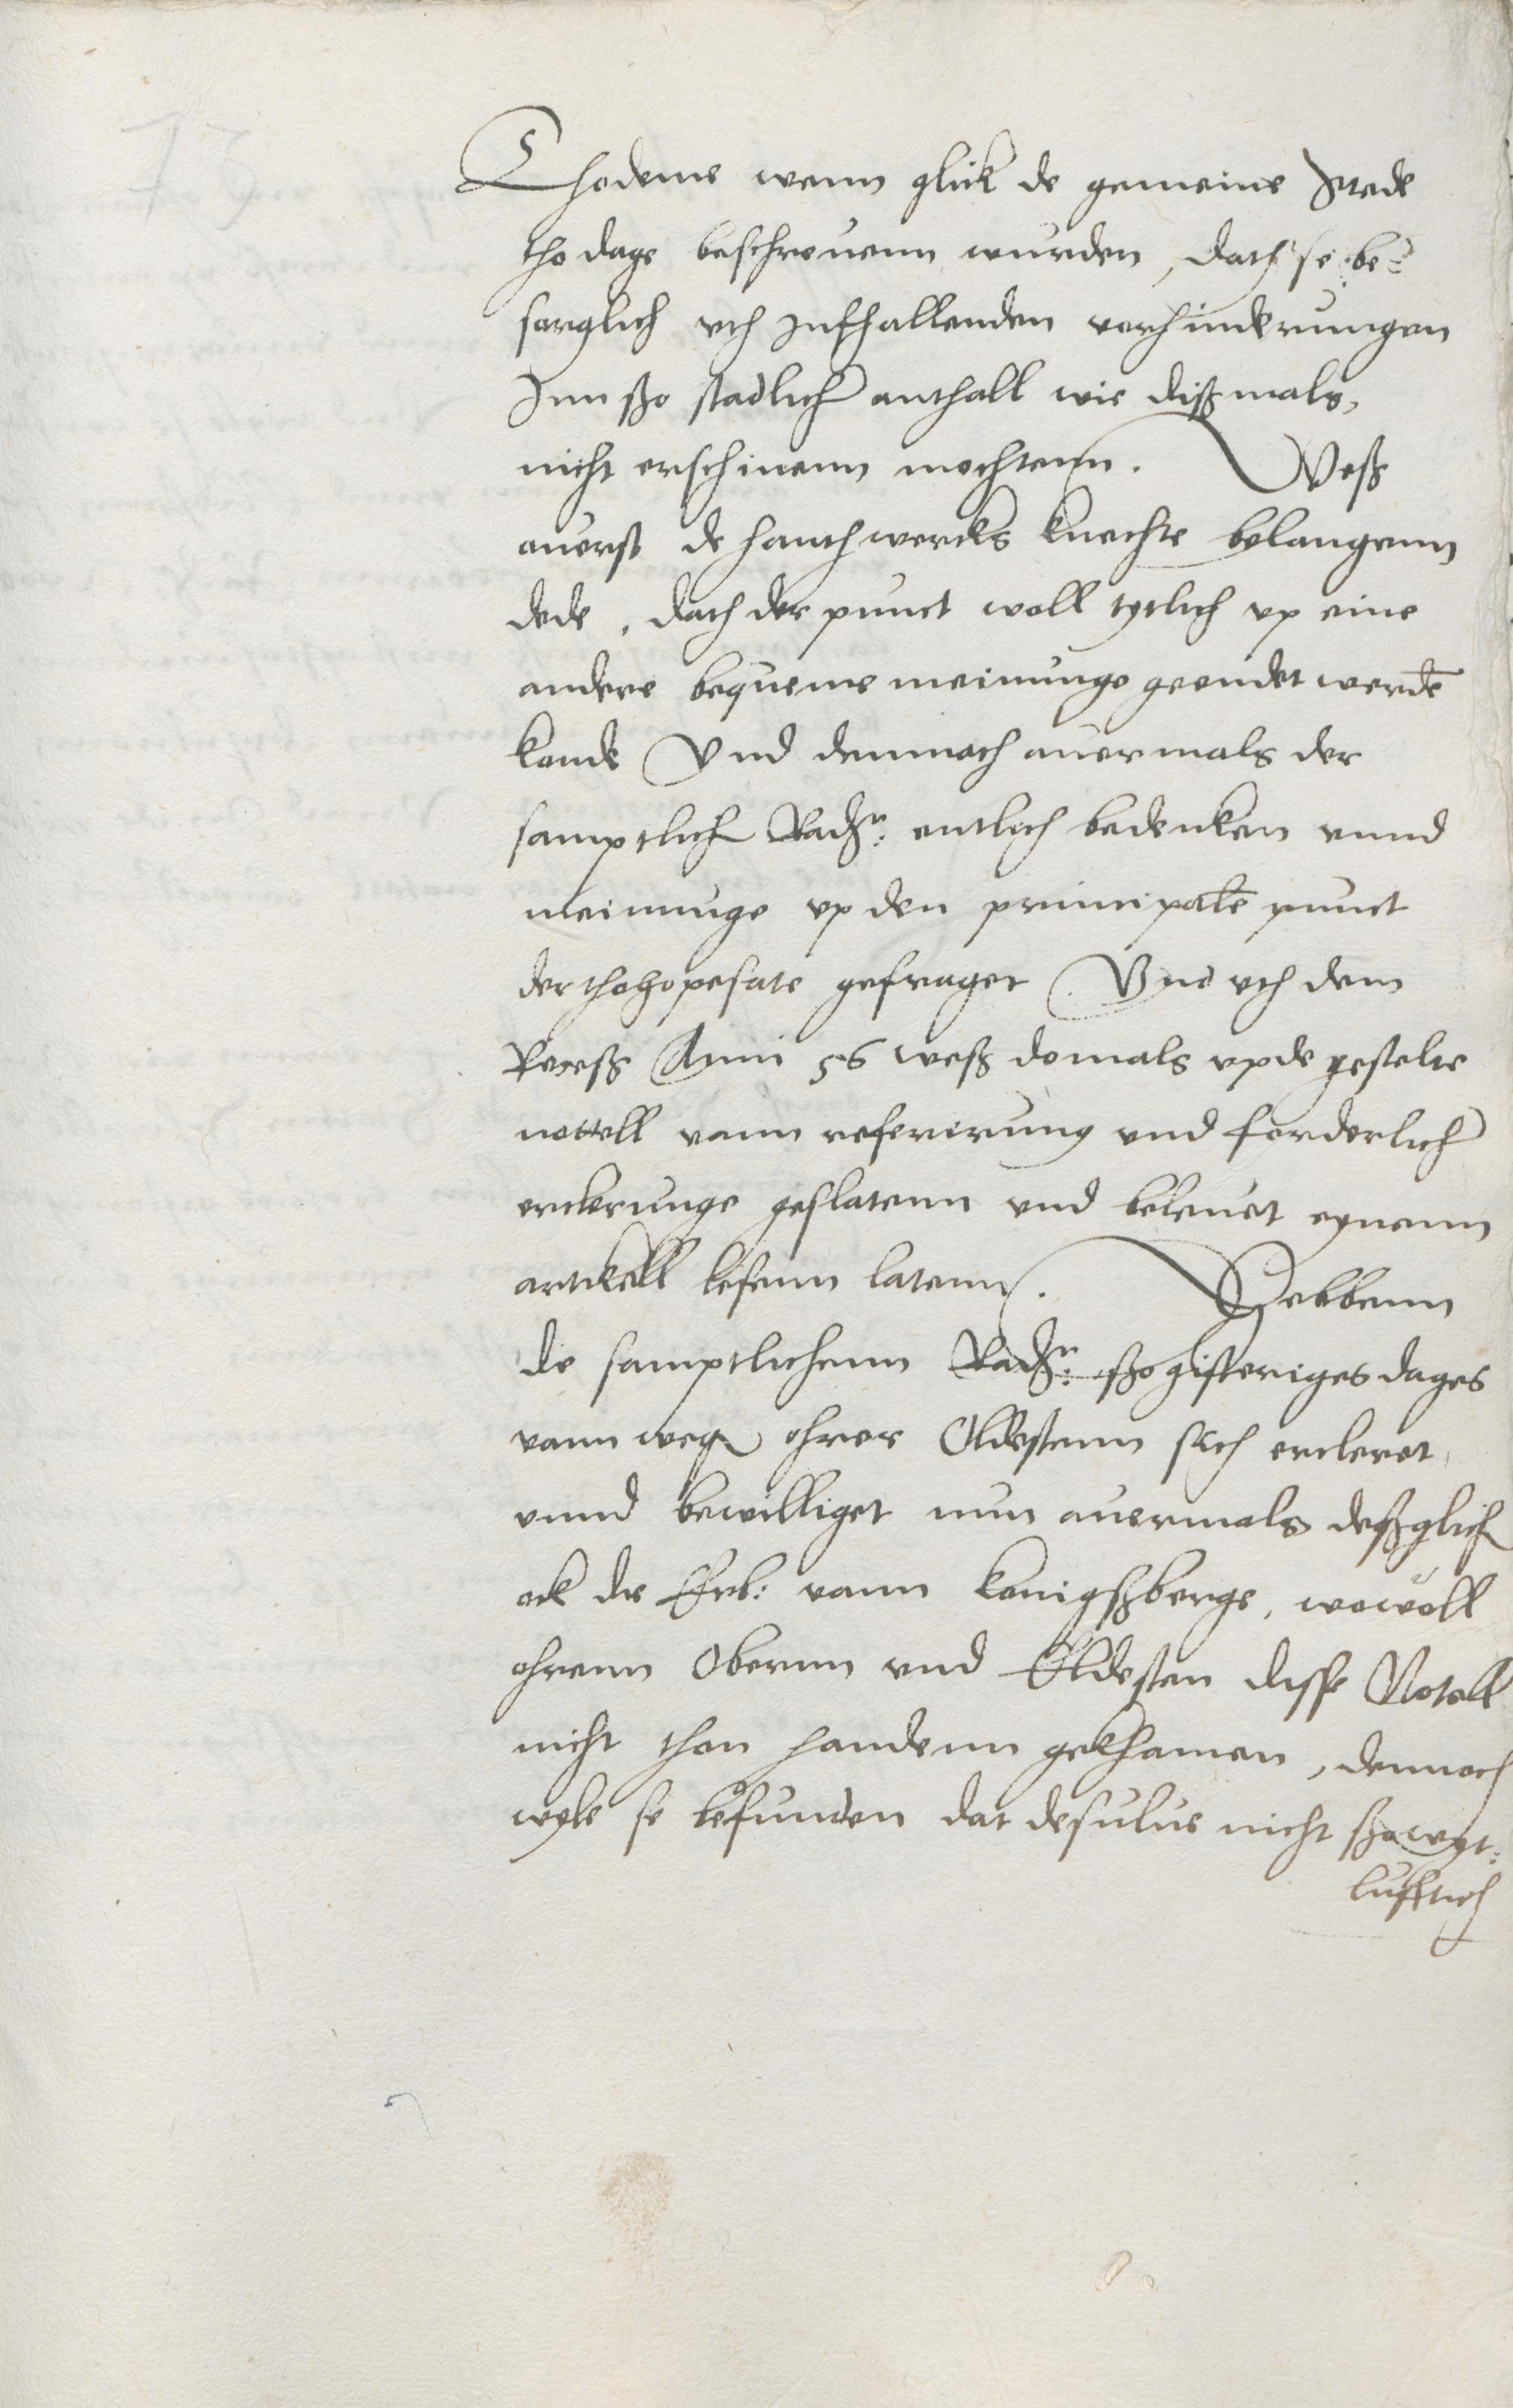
Thodeme wenn glick de gemeine Stede
tho dage beschreuenn wurden, dath se be¬
sorglich vth jnfhallenden vorhinderungen
jnn ßo stadlicher anthall wie dißmals,
nicht erschinenn mochtenn. Weß
ouerst de hanthwercks knechte bylangenn
dede, dath der punct woll tytlich vp eine
andere bequeme meinunge geendet werden
konde Vnd demnach auermals der
samptlichen Radessendeboden entlich bedenken vnnd
meinunge vp den principalen punct
der thohopesate gefraget Vnd vth dem
Receß Anni 56 weß domals vp de gestelte
nottell vann referirung vnd forderlicher
erclerunge geslatenn vnd beleuet eynenn
artikell lesenn latenn. Hebbenn
de samptlichenn Radessendeboden ßo gisteriges dages
vann wegen ohrer Oldestenn sich ercleret,
vnnd bewilliget nun auermals deßglichen
ock die Erb: vann Konigßberge, wowoll
ohrenn Obernn vnd Eldesten disse Notell
nicht thon handenn gekhamen, dennoch
wyle se befunden dat desulue nicht ßo wyt¬
lufftich
